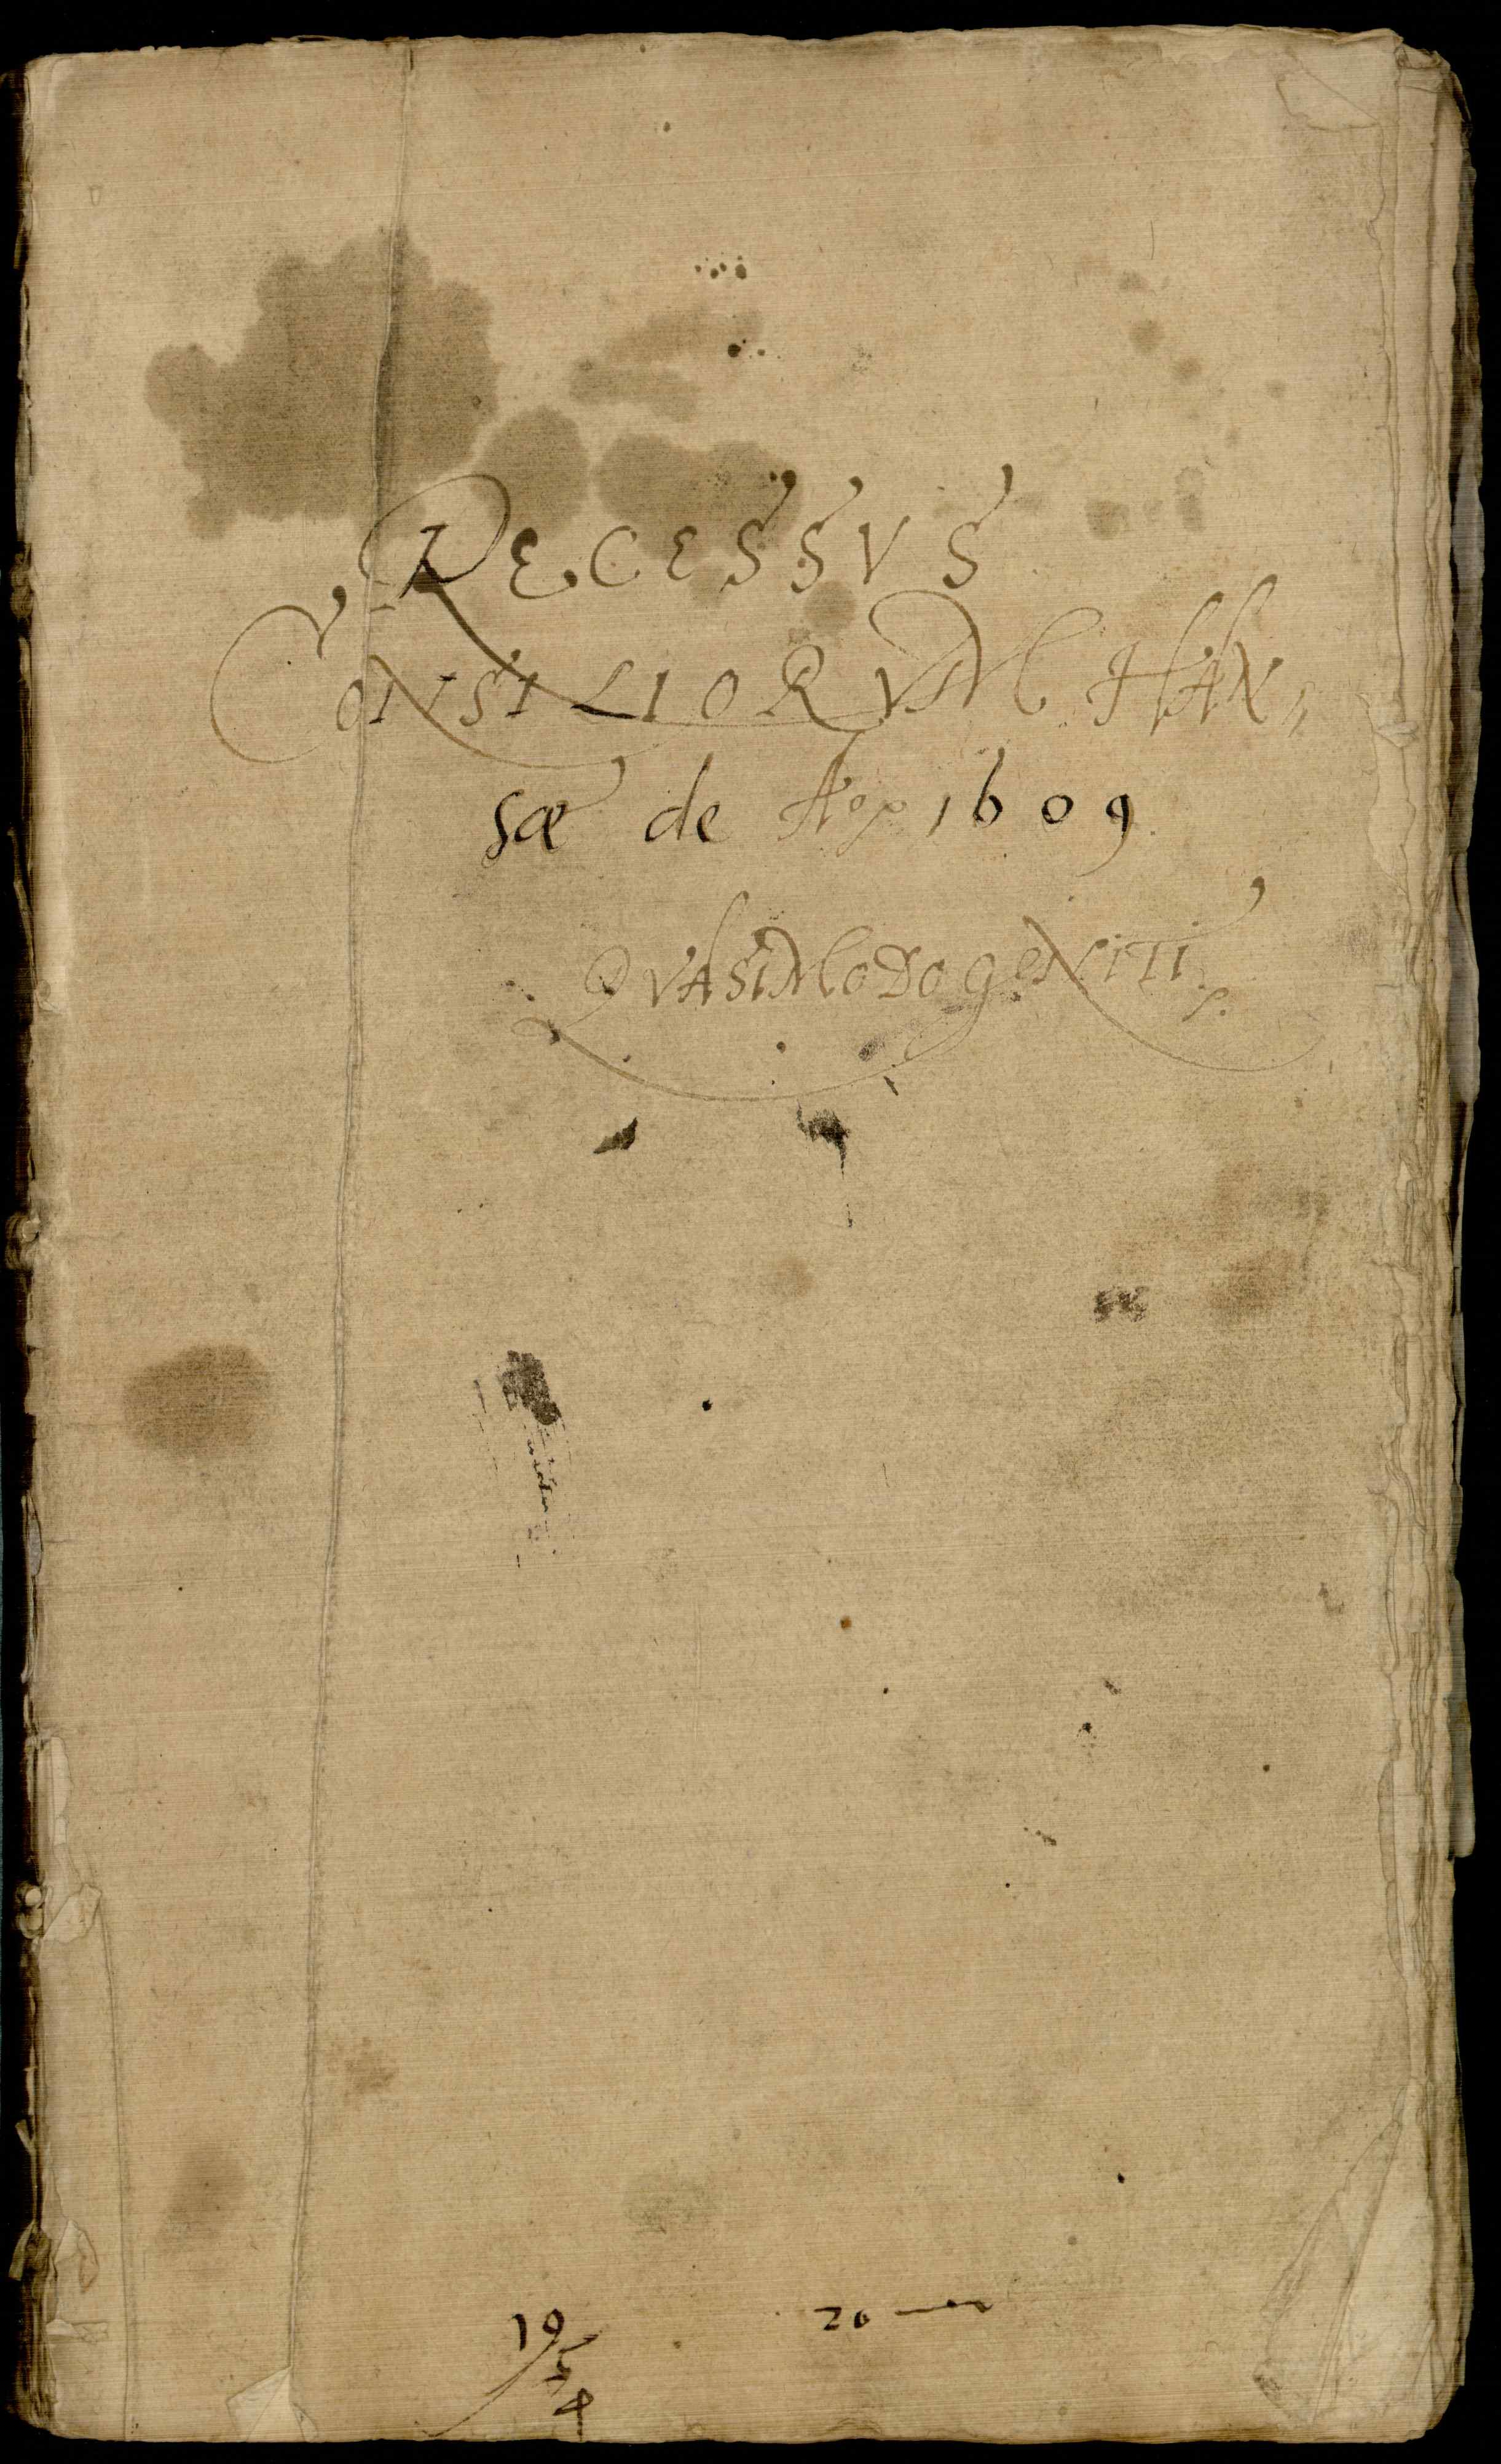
RECESSVS
CONSILIORVM HAN-
sae de Ao 1609
QVASIMODOGENITI
20
19
5
4
